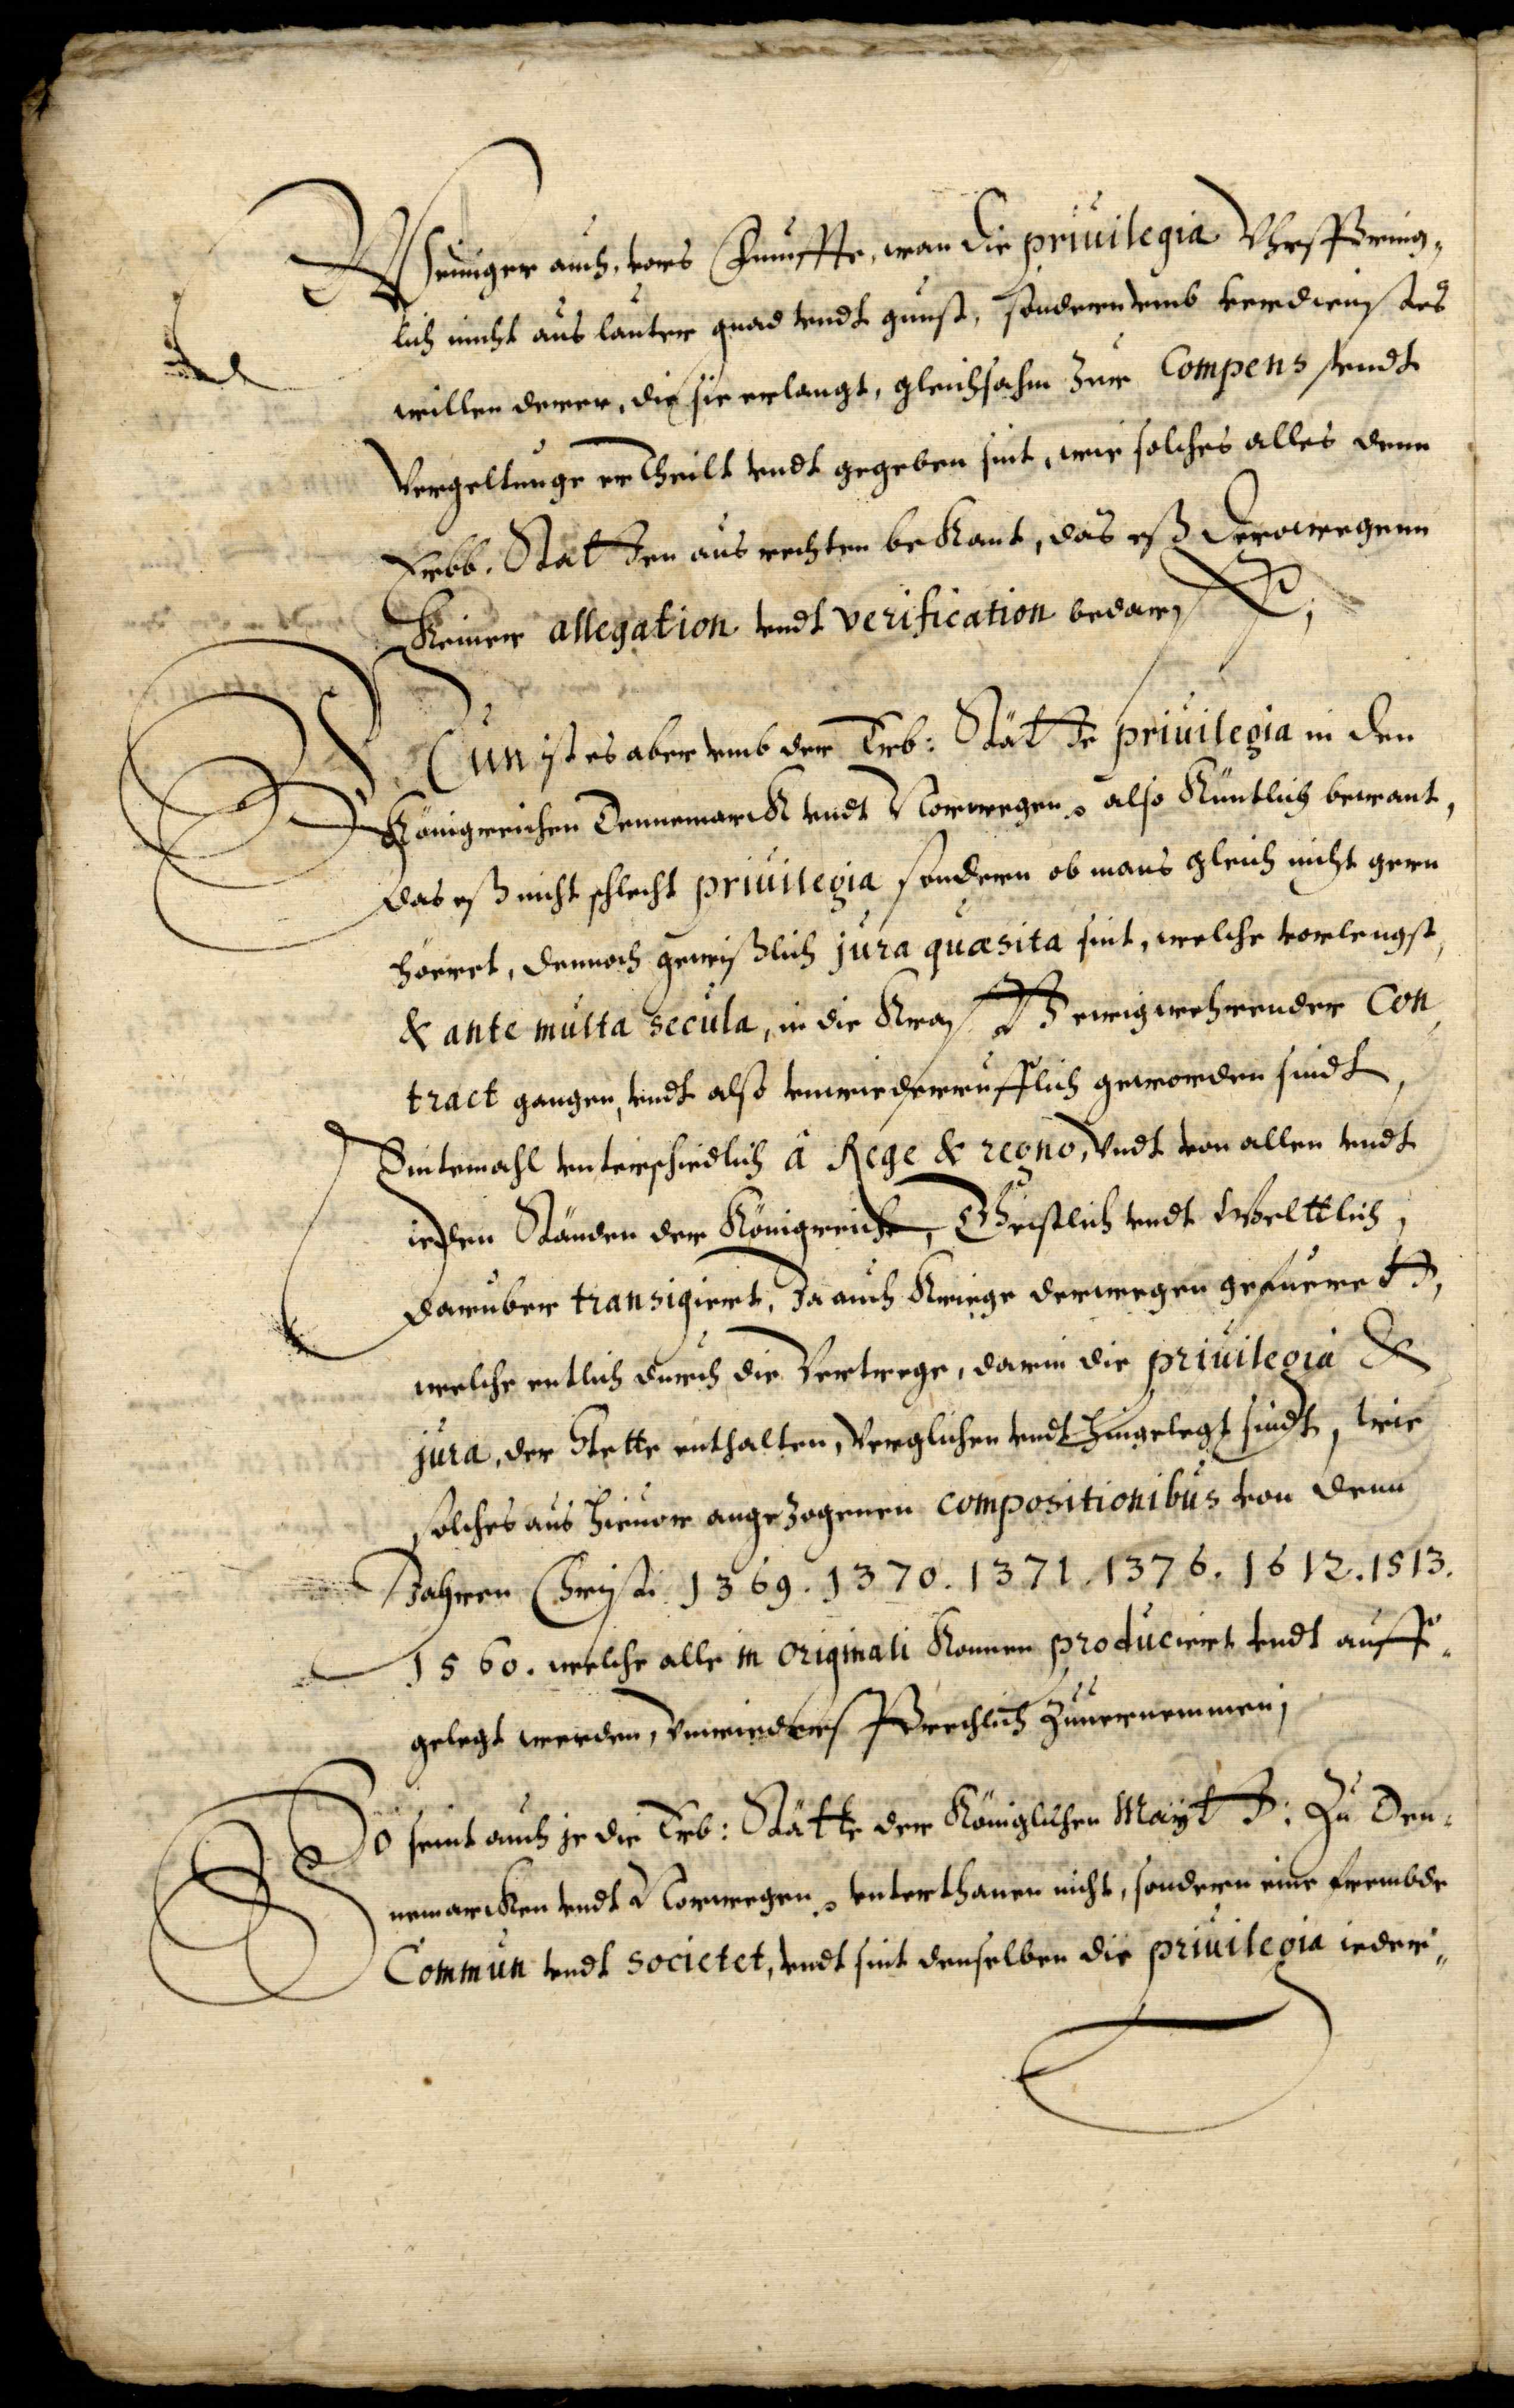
Weiniger auch, vors Funffte, wan die priuilegia Vhrsprung¬
lich nicht aus lauter gnad vndt gunst, sondern vmb verdienstes
willen derer, die sie erlangt, gleichsahm zur Compens vndt
Vergeltunge ertheilt vndt gegeben sint, wie solches alles denn
Erbb. Statten aus rechten bekant, das eß derowegenn
keiner allegation vndt verification bedarff;
Nun ist es aber vmb der Erb: Stätte priuilegia in den
Königreichen Dennemarck vndt Norwegen p also Küntlich bewant,
das eß nicht schlecht priuilegia sondern ob mans gleich nicht gern
höeret, dennoch gewißlich jura quaesita sint, welche vorlengst,
& ante multa secula, in die Krafft ewigwehrender Con¬
tract gangen, vndt also vnwiederrufflich geworden sindt,
Sintemahl vnterschiedlich à Rege & regno, Vndt von allen vndt
in den Ständen der Königreiche, Geistlich vndt Welttlich,
daruber transigiert, Ja auch Kriege derwegen gefuerett,
welche entlich durch die Vertrege, darin die priuilegia &
jura, der Stette enthalten, verglichen vndt hingelegt sindt, wie
solches aus hieuor angezogenen compositionibus von denn
Jahren Christi 1369. 1370. 1371.1376. 1612. 1513.
1560. welche alle in Originali konnen produciert vndt auff¬
gelegt werden, Vnwiedersprechlich zuuernemmen;
So seint auch je die Erb: Stätte der Königlichen Maijtt: zu Den¬
nemarcken vndt Norwegen p vnterthanen nicht, sondern eine frembde
Commun vndt societet, vndt sint denselben die priuilegia ieder¬
